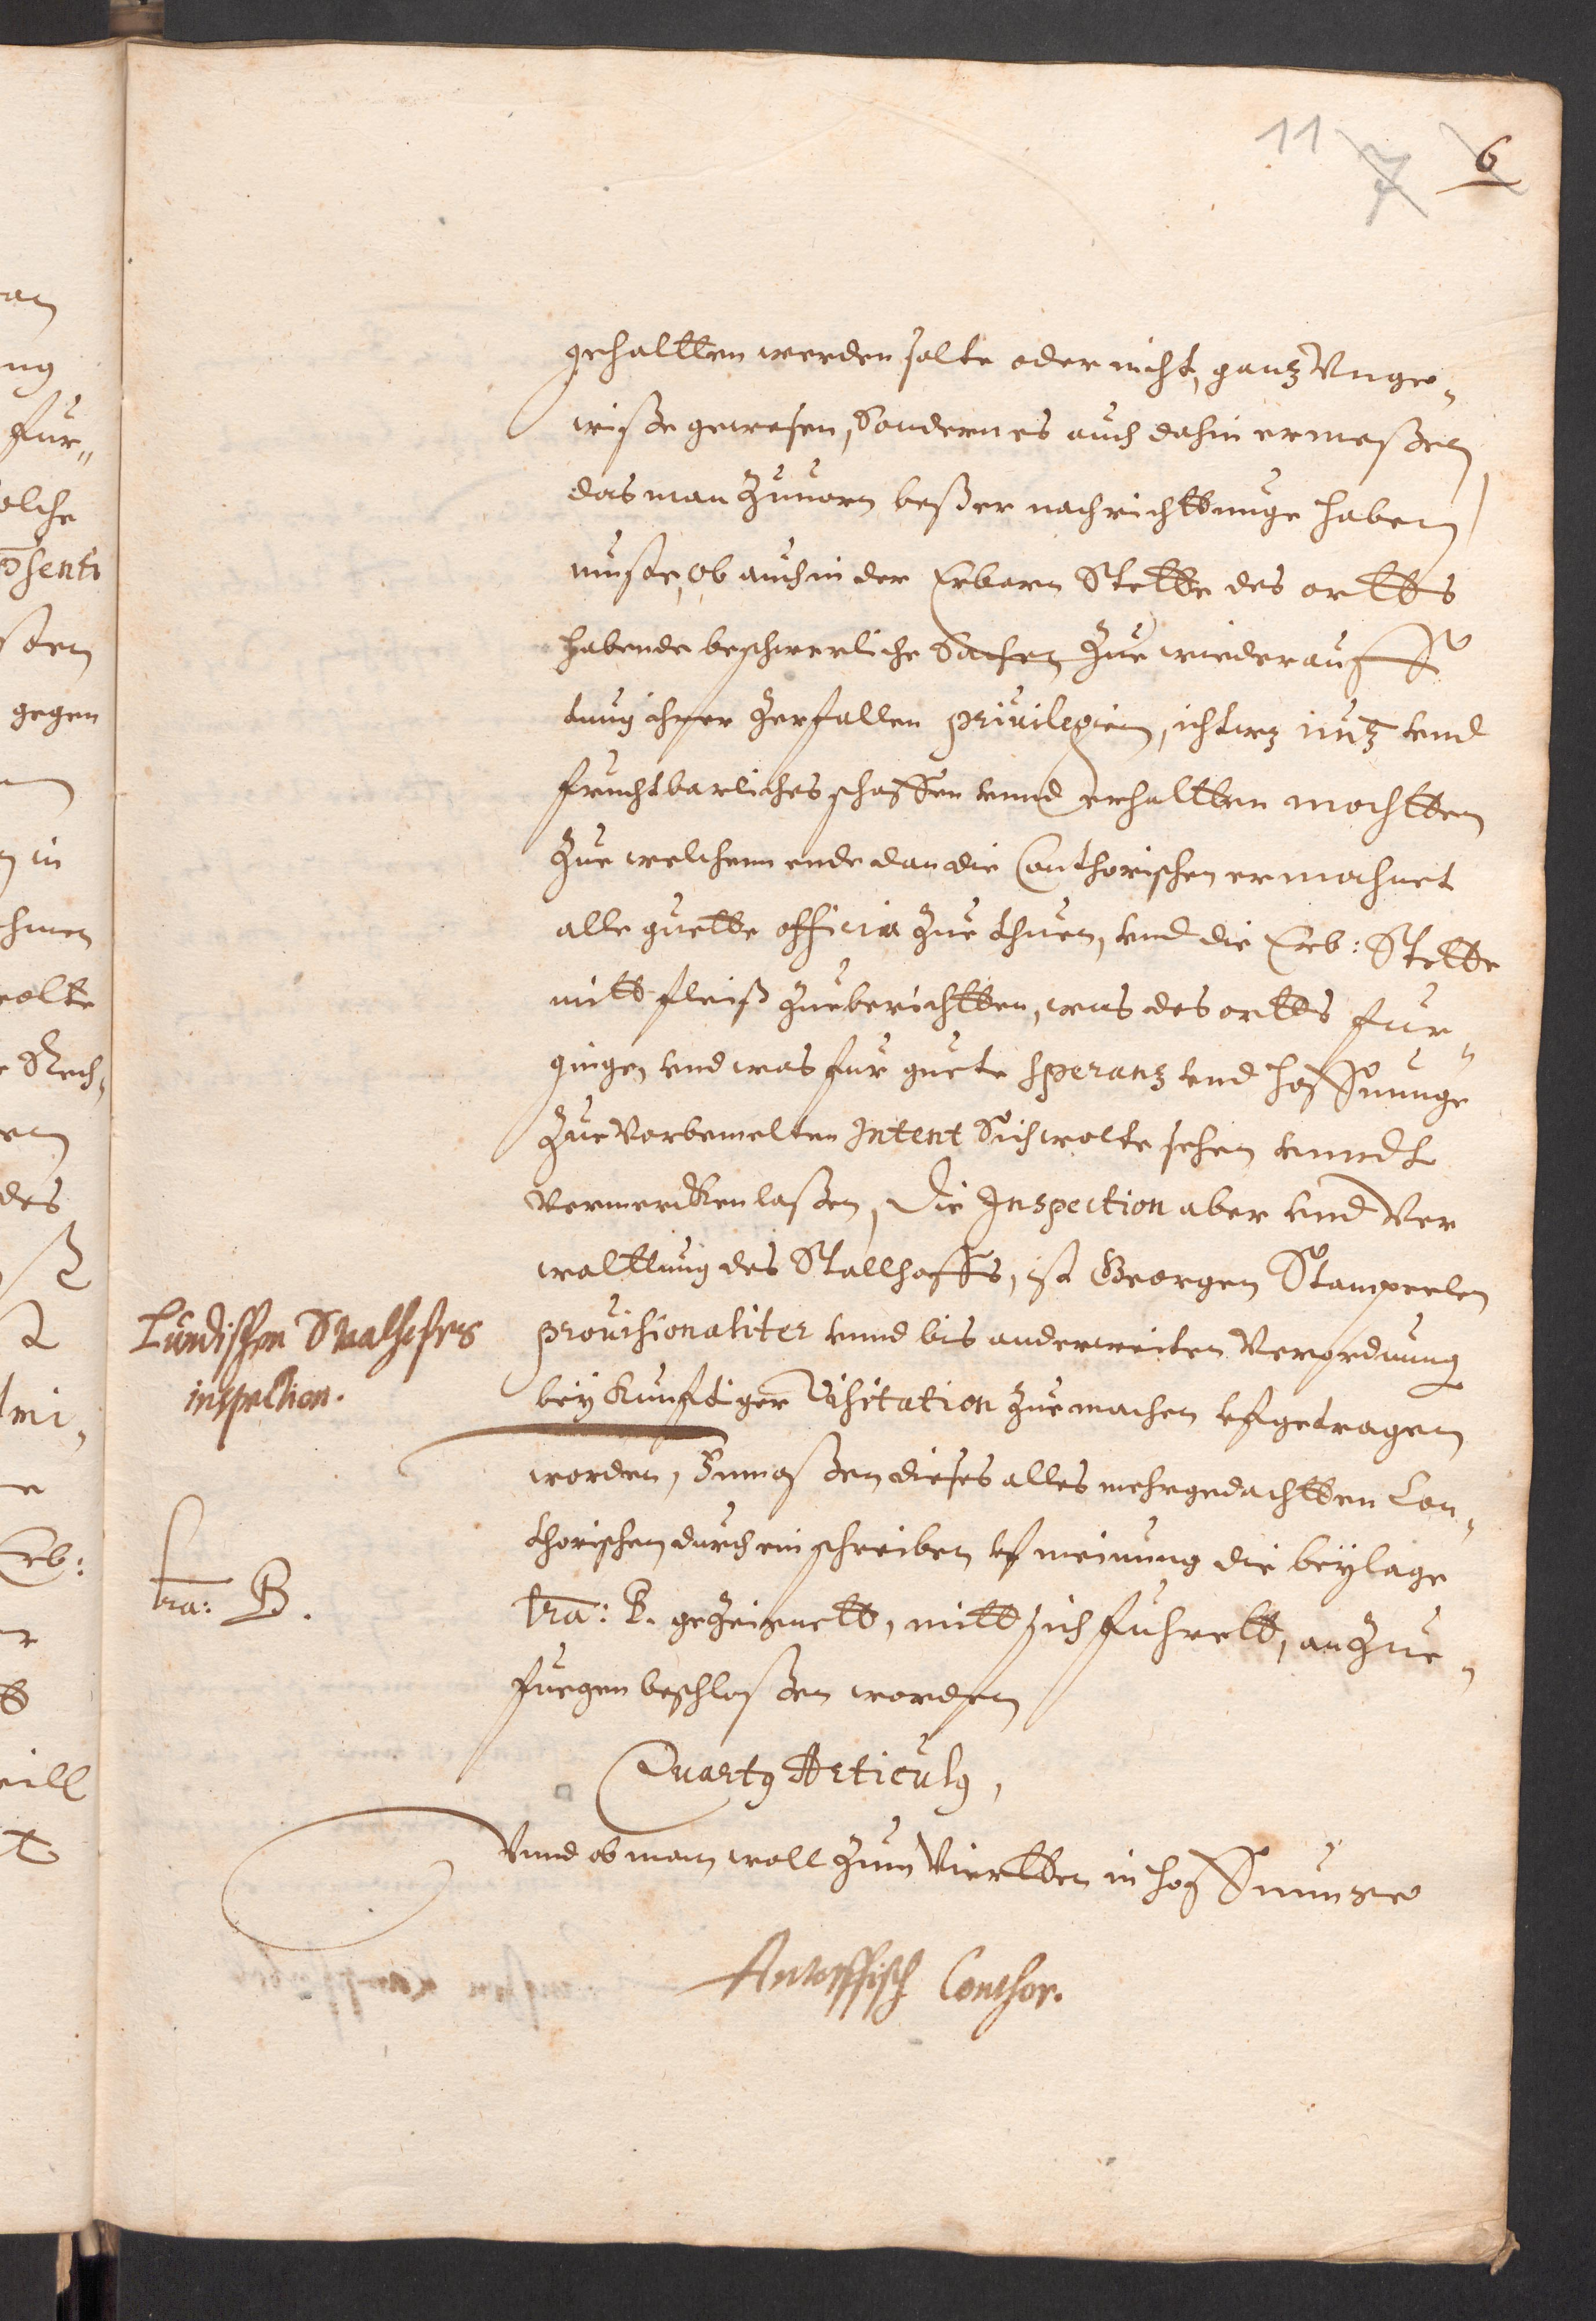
6
gehaltten werden solte oder nicht, gantz vnge¬
wiße gewesen, Sondern es auch dahin ermeßen,
das man zuuorn beßer nachrichttunge haben
muste, ob auch in der Erbarn Stette des ortts
habende beschwerliche Sachen zue wiederauff
tung ohrer zerfallen priuilegien, ichtwas nutz vnd
fruchtbarliches schaffen vnnd erhaltten mochtten
zue welchenn ende dan die Conthorischen ermahnet
alle guette officia zue thuen, vnd die Erb: Stette
mitt fleiß zueberichtten, was des ortts fur¬
gingen vnd was fur guete speranz vnd hoffnunge
zue vorbemelten intent Sich wolte sehen vnndt
vermercken laßen, Die Jnspection aber vnd Ver
walttung des Stallhoffs, ist Georgen Stampeelen
prouisionaliter vnnd bis anderweiten verordnung
beij kunftiger Visitation zue machen vfgetragen
worden, Inmaßen dieses alles mehrgedachtten Con¬
thorischen durch ein schreiben vf meinung die beijlage
littera: B. gezeignett, mitt sich fuhrett, anzue¬
fuegen beschloßen worden
Quartus Articulus,
Vnnd ob man woll zum Viertten in hoffnunge
Lundischen Staalhofes
inspection.
littera: B.
Antorffisch Conthor.
